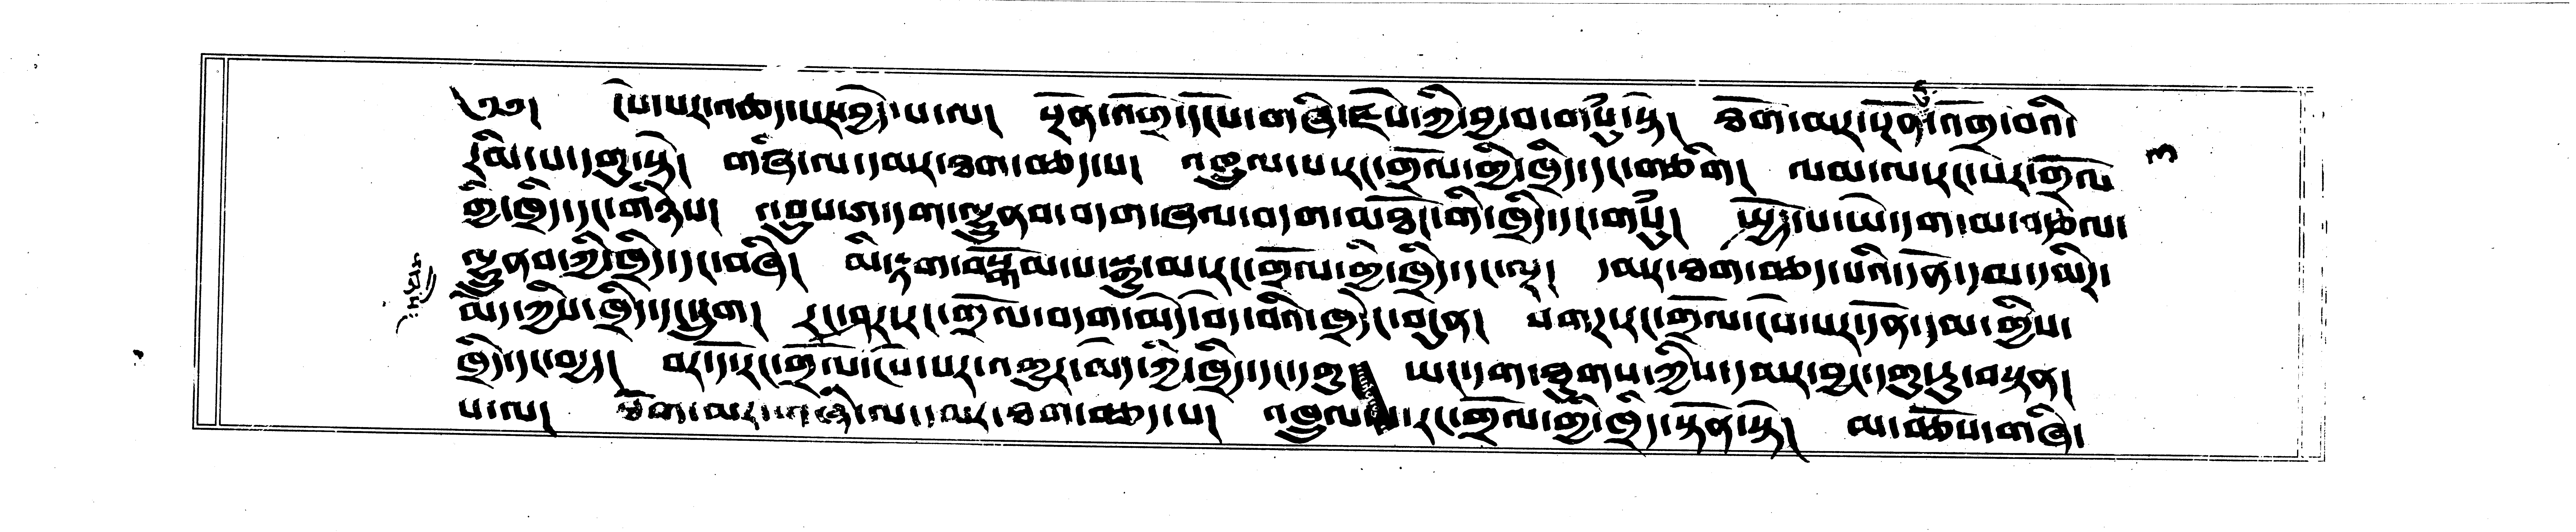ངེས་པར་འཆད་པར་བྱེད་པ་ལ། སྔོན་འགྲོ་དངོས་གཞི་རྗེས་ཀྱི་བྱ་བ་དང་གསུམ་སྟེ། ཐོག་མར་སྔོན་དུ་འགྲོ་བའི་
རིམ་པ་དགུ་སྟེ། གཞི་ལ་དམར་ཐག་བཅད་པ། འཁྲུལ་པ་རང་གྲོལ་གྱི་ཁྲིད་དང་གཅིག ལམ་ལ་རང་སར་གྲོལ་
གྱི་ཁྲིད་དང་གཉིས། འབྲས་བུ་ཀ་དག་ལྷུན་གྲུབ་བདག་ཞལ་བདག་མཐོང་གི་ཁྲིད་དང་གསུམ། སྤྱོད་པ་ཡེ་དག་མ་བརྩལ་
ལྷུན་གྲུབ་ཀྱི་ཁྲིད་དང་བཞི། མི་རྟག་སྒོམ་པ་སྒྱུ་མ་རང་གྲོལ་གྱི་ཁྲིད་དང་ལྔ། དམར་ཐག་བཅད་པའི་དོན་དམ་དམིགས་
མེད་ཀྱི་ཁྲིད་དང་དྲུག རང་ཤར་རང་གྲོལ་བདག་མེད་བདེ་བའི་ཁྲིད་དང་བདུན། །བག་ཆགས་རང་གྲོལ་ངེས་པར་དོན་དམ་གྱི་
ཁྲིད་དང་བརྒྱད། །བར་དོ་རང་གྲོལ་ངེས་པར་འགྱུར་མེད་ཀྱི་ཁྲིད་དང་དགུ། །ཡང་དག་ཐུགས་ཀྱི་དམར་བྱང་དགུ་རུ་བསྟན་
པ་ལ། ཐོག་མར་གཞི་ལ་དམར་ཐག་བཅད་པ། འཁྲུལ་པ་རང་གྲོལ་གྱི་ཁྲིད་སྟོན་པ། མ་བཅོས་གཞི་